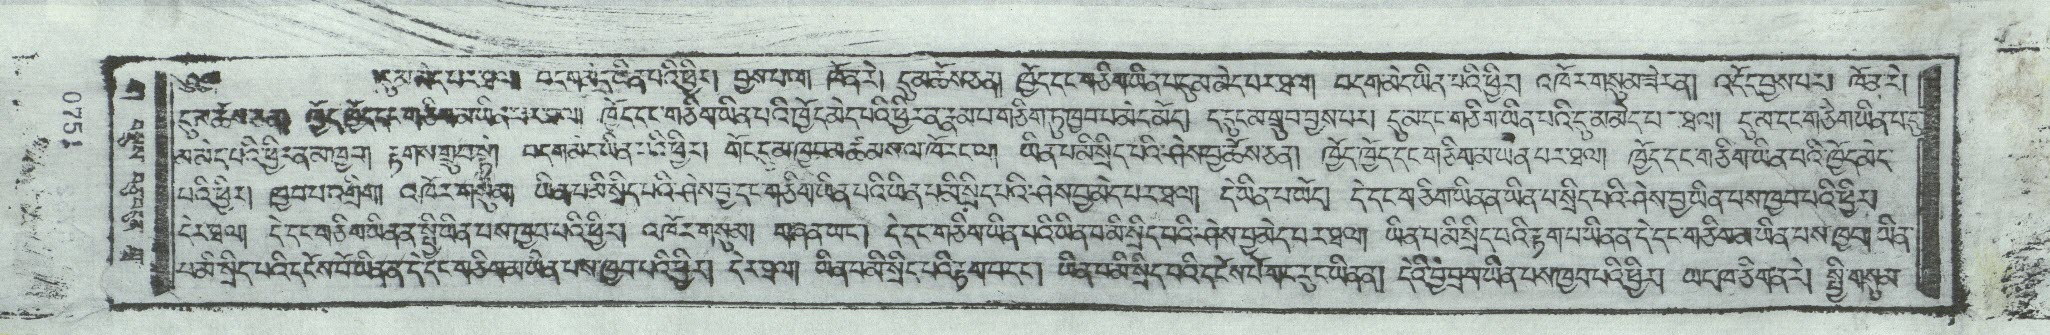༄༅། །དུ་མ་མེད་པར་ཐལ། བདག་མེད་ཡིན་པའི་ཕྱིར། བྱས་པ་ལ། ཁོ་ན་རེ། དུ་མ་ཆོས་ཅན། ཁྱོད་དང་གཅིག་ཡིན་པ་དུ་མ་མེད་པར་ཐལ། བདག་མེད་ཡིན་པའི་ཕྱིར། འཁོར་གསུམ་ཟེར་ན། འདོད་བྱས་པར། ཁོ་ན་རེ།
དུ་མ་ཆོས་ཅན། ཁྱོད་ཁྱོད་དང་གཅིག་མ་ཡིན་པར་ཐལ། ཁྱོད་དང་གཅིག་ཡིན་པའི་ཁྱོད་མེད་པའི་ཕྱིར་ན་རྣམ་པ་གཅིག་ཏུ་ཁྱབ་པ་མེད་མོད། ད་དུང་མ་གྲུབ་བྱས་པར། དུ་མ་དང་གཅིག་ཡིན་པའི་དུ་མ་མེད་པར་ཐལ། དུ་མ་དང་གཅིག་ཡིན་པ་དུ་
མ་མེད་པའི་ཕྱིར་ན་མ་ཁྱབ། རྟགས་གྲུབ་སྟེ། བདག་མེད་ཡིན་པའི་ཕྱིར། གོང་དུ་མ་ཁྱབ་མཚམས་ལ་ཁོ་རང་ལ། ཡིན་པ་མི་སྲིད་པའི་ཤེས་བྱ་ཆོས་ཅན། ཁྱོད་ཁྱོད་དང་གཅིག་མ་ཡིན་པར་ཐལ། ཁྱོད་དང་གཅིག་ཡིན་པའི་ཁྱོད་མེད་
པའི་ཕྱིར། ཁྱབ་པ་འགྲིག། འཁོར་གསུམ། ཡིན་པ་མི་སྲིད་པའི་ཤེས་བྱ་དང་གཅིག་ཡིན་པའི་ཡིན་པ་མི་སྲིད་པའི་ཤེས་བྱ་མེད་པར་ཐལ། དེ་ཡིན་པ་ཡོད། དེ་དང་གཅིག་ཡིན་ན་ཡིན་པ་སྲིད་པའི་ཤེས་བྱ་ཡིན་པས་ཁྱབ་པའི་ཕྱིར།
དེར་ཐལ། དེ་དང་གཅིག་ཡིན་ན་སྤྱི་ཡིན་པས་ཁྱབ་པའི་ཕྱིར། འཁོར་གསུམ། གཞན་ཡང་། དེ་དང་གཅིག་ཡིན་པའི་ཡིན་པ་མི་སྲིད་པའི་ཤེས་བྱ་མེད་པར་ཐལ། ཡིན་པ་མི་སྲིད་པའི་རྟག་པ་ཡིན་ན་དེ་དང་གཅིག་མ་ཡིན་པས་ཁྱབ། ཡིན་
པ་མི་སྲིད་པའི་དངོས་པོ་ཡིན་ན་དེ་དང་གཅིག་མ་ཡིན་པས་ཁྱབ་པའི་ཕྱིར། དེར་ཐལ། ཡིན་པ་མི་སྲིད་པའི་རྟག་པ་དང་། ཡིན་པ་མི་སྲིད་པའི་དངོས་པོ་གང་རུང་ཡིན་ན། དེའི་བྱེ་བྲག་ཡིན་པས་ཁྱབ་པའི་ཕྱིར། ཡང་ཁ་ཅིག་ན་རེ། སྤྱི་གསུམ་